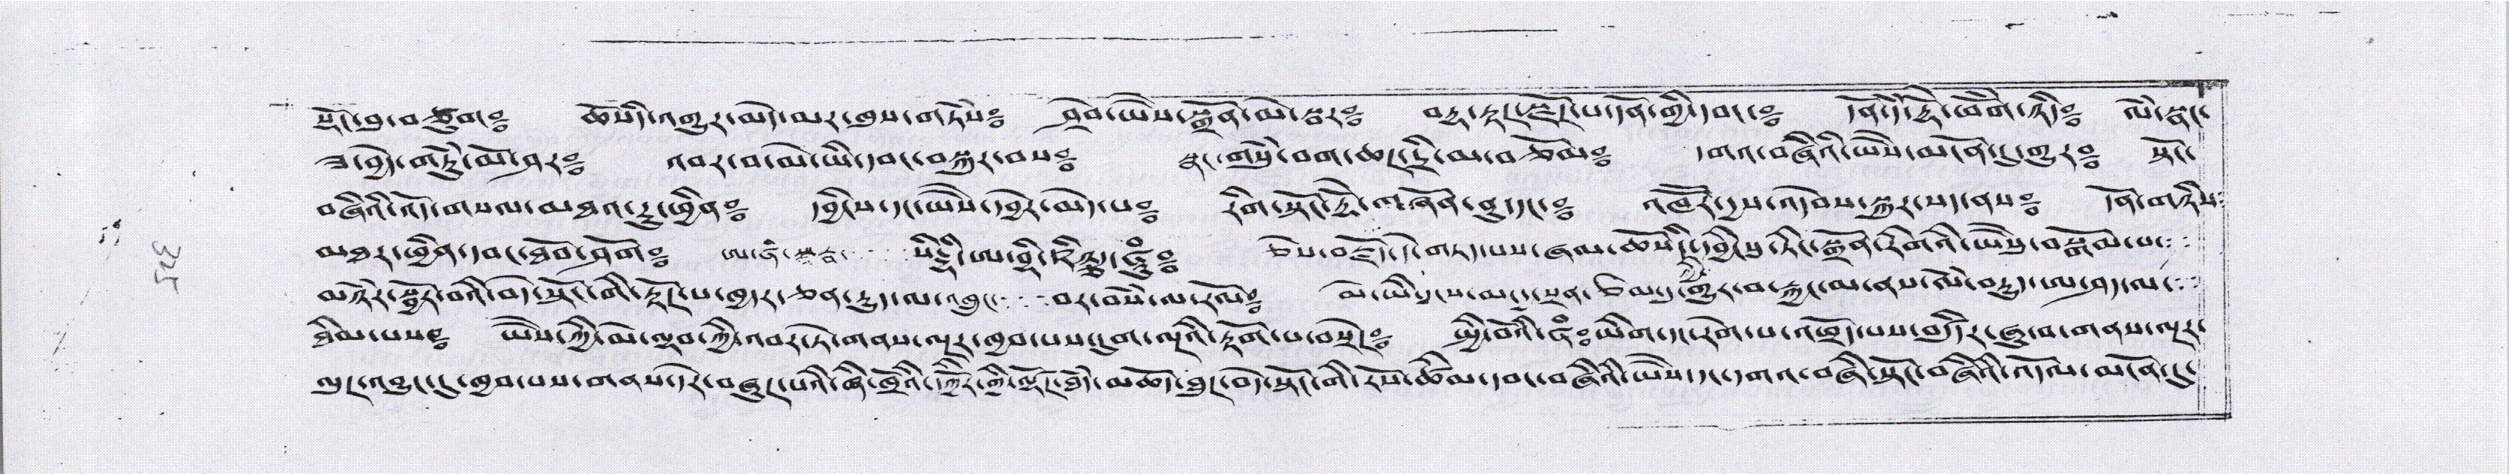སྡོང་བུ་བཙུག༔ ཆོས་ཉིད་འགྱུར་མེད་མར་ཁུས་གཏམས༔ ཤེས་རབ་ཡེ་ཤེས་སྒྲོན་མེ་སྦར༔ བརྷ་རྟགས་རྫོགས་པ་དོན་གྱི་དབང༔ དོན་དམ་རྡོ་རྗེ་ཕག་མོ་ཉིད༔ ལམ་སྣང་
ཟ་བྱེད་གཏུམ་མོ་ཤར། འབར་བ་མེ་ཡི་དབང་བསྐུར་བས༔ སྣང་གསུམ་བག་ཆགས་དྲི་མ་བཅོམ༔ དགའ་བཞིའི་ཡེ་ཤེས་མངོན་དུ་གྱུར༔ སྟོང་
བཞིའི་འོད་གསལ་མཐའ་རུ་ཕྱིན༔ དབྱིངས་དང་ཡེ་ཤེས་དབྱེར་མེད་པ༔ རིག་སྟོང་རྡོ་རྗེ་གཞོན་ནུ་དང༔ འཁོར་ལོ་རྒྱས་འདེབས་སྐུར་སད་ནས༔ དོན་གཉིས་
མཐར་ཕྱིན་དབང་ཐོབ་ཤོག༔ ཨ་ཧཾ་སརྦ་སིདྷི་ཨ་བྷི་ཋི་ཉྩ་ཧཱུཾ༔ ཅེས་བརྗོད་དེ་གཏད་པས་ཞལ་ཆོས་ཉིད་ཀྱི་དབྱིངས་སུ་ཏིང་སྒྲོན་རིག་པའི་ཡེ་ཤེས་སུ་བསྒོམ་པ་
མཉམ་པར་སྦྱོར་བའི་བདེ་སྟོང་གི་རྟོགས་པ་ཁྱད་པར་ཅན་རྒྱུད་ལ་འཁྲུང་བར་བསམ་ལ་རོལ༔ མེ་ཡི་དྭངས་མ་རྒྱ་སྲན་ཙམ་དུ་གྱུར་བ་རྐྱང་མ་ནས་ལམ་བརྒྱུད་ཨ་ཤད་ལ་
ཐིམ་པས༔ ཡེ་ཤེས་ཀྱི་མེ་ལྷབ་ཀྱི་འབར་ཏེ་གནས་ལྔར་ཁྱབ་པས་དུག་ལྔའི་རྟོག་པ་བསྲེགས༔ སྤྱི་བོའི་ཧཾཿཡིག་དང་རེག་པ་འཕྲོད་པས་བདུད་རྩིར་ཞུ་བ་གནས་ལྔར་
ལུགས་འབྱུང་དུ་ཁྱབ་པས་གནས་དེར་བཞུགས་པའི་ཞི་ཁྲོའི་དཀྱིལ་འཁོར་གྱི་ལྷ་ཚོགས་ཐམས་ཅད་མཆོད་ཐུགས་བདེ་སྟོང་གི་རོས་ཚིམས་དབང་བཞིའི་ཡེ་ཤེས་དང་དགའ་བཞི་སྟོང་བཞིའི་འདོལ་མངོན་དུ་